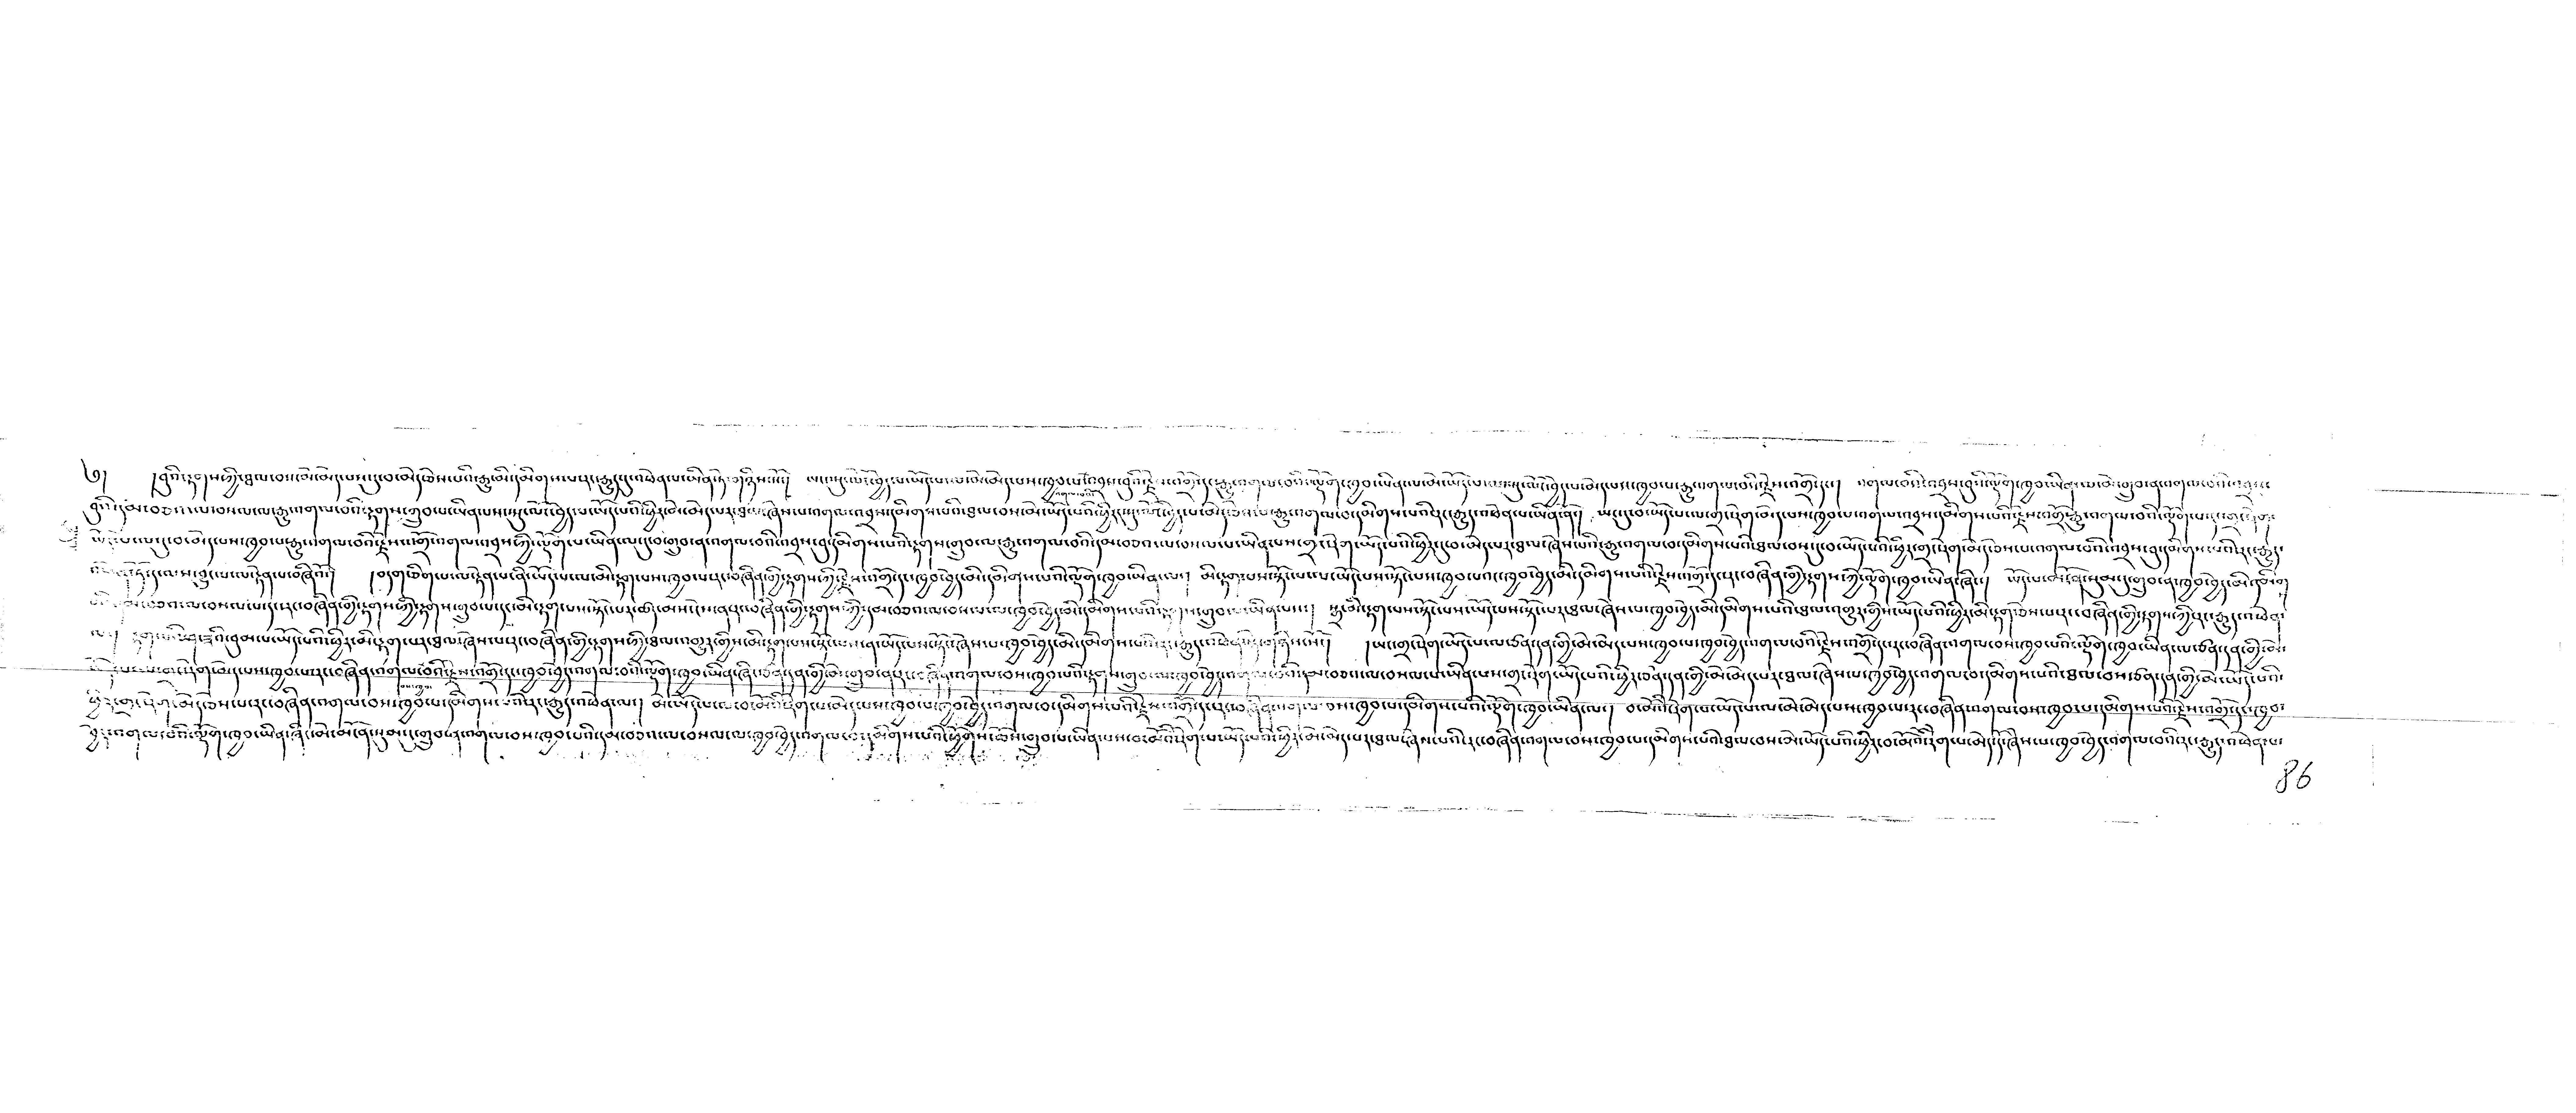༈། །བུའི་རྟགས་ཀྱི་ཐལ་བས་མེ་མེད་པས་དུ་བ་མེད་ཅེས་པའི་རྒྱུ་མི་དམིགས་པ་རང་རྒྱུད་དུ་འཕེན་པ་ཡིན་ཏེ་གཉིས་སོ། ཡང་སུ་མེ་བྱེད་པ་ཡོད་པ་ལ་མེ་མེད་པས་ཁྱབ་པ་འབྲས་བུའི་རྗེས་འགྲོ་དང་རྒྱུ་འགལ་བའི་ལྡོག་ཁྱབ་ཡིན་པ་མེ་ཡོད་པ་ལ་སུ་ལོང་བྱེད་པ་མེད་པས་ཁྱབ་པ་རྒྱུ་འགལ་བའི་རྗེས་འགྲོ་དང་། འགལ་བའི་འབྲས་བུའི་ལྡོག་ཁྱབ་ཡིན་པ་ཆེ་གྲུབ་ན་འགལ་བའི་འབྲས་
བུའི་དམ་བཅའ་ལ་བསལ་ལ་རྒྱུ་འགལ་བའི་རྟགས་གྲུབ་པ་ཡིན་པས་སྤུ་ལོ་བྱེད་པ་ཡོད་པའི་ཕྱིར་མེ་མེད་པར་ཐལ་ཞེས་པ་འགལ་འབྲས་དམིགས་པའི་ཐལ་བས་མེ་ཡོད་པའི་ཕྱིར་སྤུ་ལོང་བྱེད་པ་མེད་ཅེས་པ་རྒྱུ་འགལ་བ་དམིགས་པའི་རང་རྒྱུད་འཕེན་པ་ཡིན་ནོ། ཡང་དུ་བ་ཡོད་པ་ལ་གྲང་རེག་མེད་པས་ཁྱབ་པ་འགལ་འབྲས་དམིགས་པའི་རྗེས་འགྲོ་རྒྱུ་འགལ་བའི་ལྡོག་པར་གྲང་རེག་
ཡོད་པ་ལ་དུ་བ་མེད་པས་ཁྱབ་པ་རྒྱུ་འགལ་བའི་རྗེས་འགྲོ་འགལ་འབྲས་ཀྱི་ལྡོག་པ་ཡིན་ལ་དུ་བ་གྲུབ་ན་འགལ་བའི་འབྲས་བུ་དམིགས་པའི་རྟགས་གྲུ་ལ་རྒྱུ་འགལ་བའི་དམ་བཅའ་ལ་བསལ་པ་ཡིན་པས་གྲང་རེག་ཡོད་པའི་ཕྱིར་དུ་བ་མེད་པར་ཐལ་ཞེས་པའི་རྒྱུ་འགལ་བ་དམིགས་པའི་ཐལ་བས་དུ་བ་ཡོད་པའི་ཕྱིར་གྲང་རེག་མེད་ཅེས་པ་འགལ་བའི་འབྲས་བུ་དམིགས་པའི་རང་རྒྱུད་
?་?་ན་ཏོ་ད་ལས་བྱུང་པ་ལ་རྟེན་པ་བཞིའོ། །བདག་ཅིག་པ་ལ་རྟེན་པ་ནི་ཡོད་པ་ལ་མི་རྟག་པས་ཁྱབ་པ་རང་བཞིན་གྱི་རྟགས་ཀྱི་རྗེས་འགྲོ་དང་ཁྱབ་བྱེད་མི་དམིགས་པའི་ལྡོག་ཁྱབ་ཡིན་ལ། མི་རྟག་པས་སྟོང་པ་ལ་ཡོད་པས་སྟོང་པས་ཁྱབ་པའང་ཁྱབ་བྱེད་མི་དམིགས་པའི་རྗེས་འགྲོ་དང་རང་བཞིན་གྱི་རྟགས་ཀྱི་ལྡོག་ཁྱབ་ཡིན་ཞིང་། ཡོད་པ་མངོན་སུམ་དུ་གྲུབ་ན་ཁྱབ་བྱེད་མི་དམིགས་
པའི་དམ་བཅའ་བསལ་པ་དང་རང་བཞིན་གྱི་རྟགས་ཀྱི་རྟགས་གྲུབ་པ་དང་མི་རྟག་པས་སྟོང་པར་ཚད་མས་ངེས་ན་རང་བཞིན་གྱི་རྟགས་ཀྱི་དམ་བཅའ་ལ་བསལ་ལ་ཁྱབ་བྱེད་མི་དམིགས་པའི་རྟགས་གྲུབ་པ་ཡིན་པ། སྒྲ་མི་རྟག་པས་སྟོང་པས་ཡོད་པས་སྟོང་པར་ཐལ་ཞེས་པ་ཁྱབ་བྱེད་མི་དམིགས་པའི་ཐལ་འགྱུར་གྱིས་ཡོད་པའི་ཕྱིར་མི་རྟག་ཅེས་པ་རང་བཞིན་གྱི་རྟགས་ཀྱི་རང་རྒྱུད་འཕེན་
ལ། རྟག་པའི་ཤ་ཟའི་བུམ་པ་ཡོད་པའི་ཕྱིར་མི་རྟག་པར་ཐལ་ཞེས་པ་རང་བཞིན་གྱི་རྟགས་ཀྱི་ཐལ་འགྱུར་གྱིས་མི་རྟག་པས་སྟོང་པས་ན་ཡོད་པས་སྟོང་ཞེས་པ་ཁྱབ་བྱེད་མི་དམིགས་པའི་རང་རྒྱུད་འཕེན་སྟེ་གཉིས་སོ། །ཡང་གྲང་རེག་ཡོད་པ་ལ་ཙན་དན་གྱི་མེ་མེད་པས་ཁྱབ་པ་ཁྱབ་བྱེད་འགལ་པའི་རྗེས་འགྲོ་དང་རང་བཞིན་འགལ་བས་ཁྱབ་པའི་ལྡོག་ཁྱབ་ཡིན་ལ་ཙན་དན་གྱི་མེ་
ཡོད་པས་གྲང་རེག་མེད་པས་ཁྱབ་པ་རང་བཞིན་འགལ་བའི་རྗེས་འགྲོ་དང་ཁྱབ་བྱེད་འགལ་བའི་ལྡོག་ཁྱབ་ཡིན་ཞིང་ཙན་དན་གྱི་མེ་གྲུབ་ན་རང་བཞིན་འགལ་བས་ཁྱབ་པའི་རྟགས་གྲུབ་ལ་ཁྱབ་བྱེད་འགལ་པའི་དམ་བཅའ་ལ་བསལ་པ་ཡིན་པས་གྲང་རེག་ཡོད་པའི་ཕྱིར་ཙན་དན་གྱི་མེ་མེད་པར་ཐལ་ཞེས་པ་ཁྱབ་བྱེད་འགལ་བ་དམིགས་པའི་ཐལ་བས་ཙན་དན་གྱི་མེ་ཡོད་པའི་
ཕྱིར་གྲང་རེག་མེད་ཅེས་པ་རང་བཞིན་འགལ་བས་ཁྱབ་པ་དམིགས་པའི་རང་རྒྱུད་འཕེན་ལ། མེ་ཡོད་པ་ལ་བ་མོའི་རིག་པ་མེད་པས་ཁྱབ་པ་ཁྱབ་བྱེད་འགལ་བ་དམིགས་པའི་རྗེས་འགྲོ་དང་རང་བཞིན་འགལ་བས་ཁྱབ་པ་དམིགས་པའི་ལྡོག་ཁྱབ་ཡིན་ལ། བ་མོའི་རེག་པ་ཡོད་པ་ལ་མེ་མེད་པས་ཁྱབ་པ་རང་བཞིན་འགལ་བས་ཁྱབ་པ་དམིགས་པའི་རྗེས་འགྲོ་དང་ཁྱབ་
བྱེད་འགལ་བའི་ལྡོག་ཁྱབ་ཡིན་ཞིང་མོ་མངོན་སུམ་དུ་གྲུབ་ན་འགལ་བས་ཁྱབ་པའི་དམ་བཅའ་ལ་བསལ་ལ་ཁྱབ་བྱེད་འགལ་བ་དམིགས་པའི་ཕྱོགས་ཆོས་གྲུབ་པ་ཡིན་པས་མོའི་རེག་པ་ཡོད་པའི་ཕྱིར་མེ་མེད་པས་ཐལ་ཞེས་པའི་རང་བཞིན་འགལ་བས་ཁྱབ་པ་དམིགས་པའི་ཐལ་བས་མེ་ཡོད་པའི་ཕྱིར་བ་མོའི་རེག་པ་མེད་དོ་ཞེས་པ་ཁྱབ་བྱེད་འགལ་བའི་རང་རྒྱུད་འཕེན་པ་